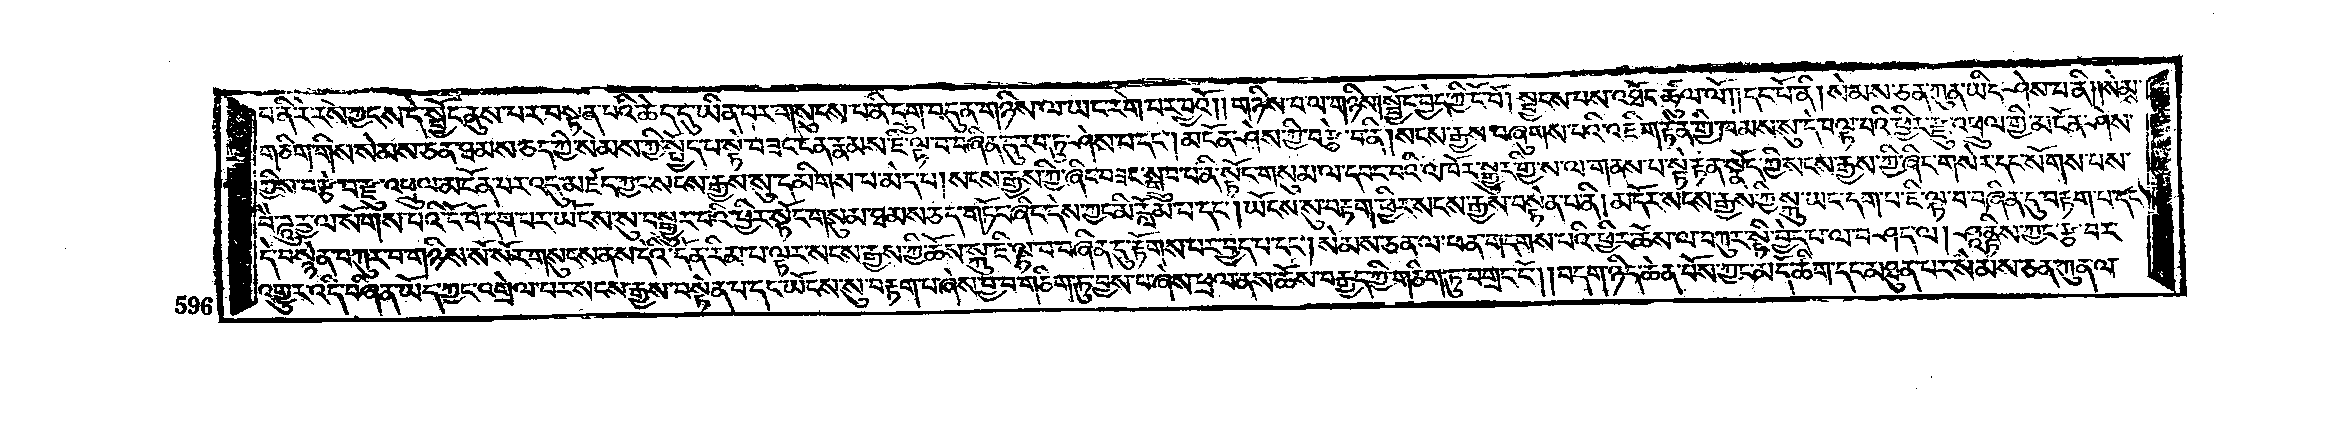པ་ནི་རེ་རེས་ཀྱང་ས་དེ་སྦྱོང་ནུས་པར་བསྟན་པའི་ཆེད་དུ་ཡིན་པར་གསུངས་པ་ནི་དྲུག་བདུན་གཉིས་ལ་ཡང་རིག་པར་བྱའོ། །གཉིས་པ་ལ་གཉིས། སྦྱོང་བྱེད་ཀྱི་ངོ་བོ། སྦྱངས་པས་འཐོང་ཚུལ་ལོ། །དང་པོ་ནི། སེམས་ཅན་ཀུན་ཡིད་ཤེས་པ་ནི། །སེམས་
གཅིག་གིས་སེམས་ཅན་ཐམས་ཅད་ཀྱི་སེམས་ཀྱི་སྤྱོད་པ་སྟེ་བཟང་ངན་རྣམས་ཇི་ལྟ་བ་བཞིན་དུ་རབ་ཏུ་ཤེས་པ་དང་། མངོན་ཤེས་ཀྱི་བརྩེ་བ་ནི། སངས་རྒྱས་བཞུགས་པའི་འཇིག་རྟེན་གྱི་ཁམས་སུ་དེ་བལྟ་བའི་ཕྱིར་རྫུ་འཕྲུལ་གྱི་མངོན་ཤེས་
ཀྱིས་བརྩེ་བ་རྫུ་འཕྲུལ་མངོན་པར་འདུ་མཛད་ཀྱང་སངས་རྒྱས་སུ་དམིགས་པ་མེད་པ། སངས་རྒྱས་ཀྱི་ཞིང་བཟང་སྒྲུབ་པ་ནི་སྟོང་གསུམ་ལ་དབང་བའི་འཁོར་སྒྱུར་གྱི་ས་ལ་གནས་པ་སྟེ་རྟེན་སྣོད་ཀྱི་སངས་རྒྱས་ཀྱི་ཞིང་གསེར་དང་སོགས་པས་
བཻ་ཌཱུརྱ་ལ་སོགས་པའི་ངོ་བོ་དག་པར་ཡོངས་སུ་བསྒྱུར་བའི་ཕྱིར་སྟོང་གསུམ་ཐམས་ཅད་གཏོང་ཞིང་དེས་ཀྱང་མི་རློམ་པ་དང་། ཡོངས་སུ་བརྟག་ཕྱིར་སངས་རྒྱས་བསྟེན་པ་ནི། མདོར་སངས་རྒྱས་ཀྱི་སྐུ་ཡང་དག་པ་ཇི་ལྟ་བ་བཞིན་དུ་བརྟག་པ་དང་
དེ་བསྙེན་བཀུར་བ་གཉིས་སོ་སོར་གསུངས་ནས་དེའི་དོན་རིམ་པ་ལྟར་སངས་རྒྱས་ཀྱི་ཆོས་སྐུ་ཇི་ལྟ་བ་བཞིན་དུ་རྟོགས་པར་བྱེད་པ་དང་། སེམས་ཅན་ལ་ཕན་གདགས་པའི་ཕྱིར་ཆོས་ལ་བཀུར་སྟི་བྱེད་པ་ལ་བཤད་ལ། ཤཱནྟིས་ཀྱང་རྩ་བར་
འགྱུར་འདི་བཞིན་ཡོད་ཀྱང་འགྲེལ་པར་སངས་རྒྱས་བསྟེན་པ་དང་ཡོངས་སུ་བརྟག་པ་ཞེས་བྱ་བ་གཅིག་ཏུ་བྱས་པ་ཞེས་ཕྲལ་ནས་ཆོས་བརྒྱད་ཀྱི་གཅིག་ཏུ་བགྲང་ངོ། །བདག་ཉིད་ཆེན་པོས་ཀྱང་མདོ་ཚིག་དང་མཐུན་པར་སེམས་ཅན་ཀུན་ལ་